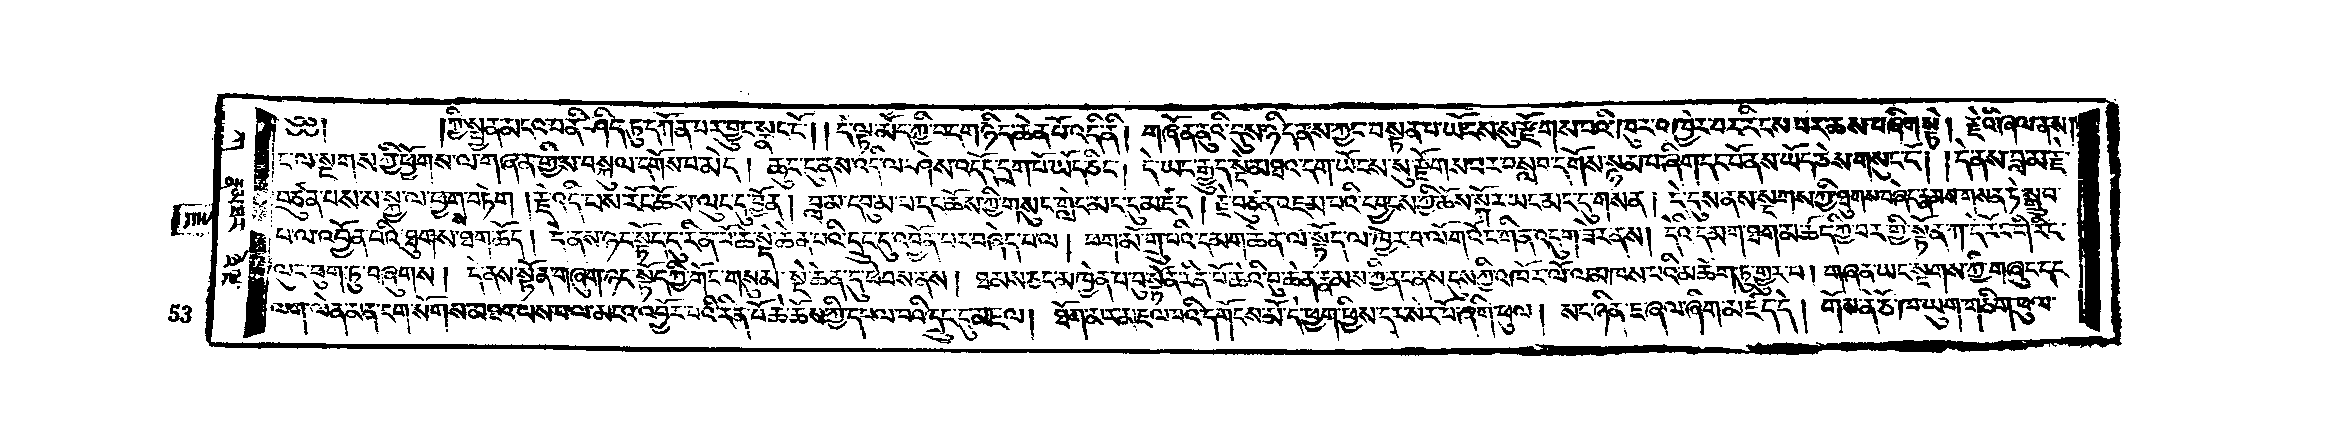༄༅། །ཀྱི་སྤྱན་མདའ་བ་ནི་ཤིད་ཏུ་དཀོན་པར་བྱུང་སྣང་ངོ། །དེ་ལྟ་མོད་ཀྱི་བདག་ཉིད་ཆེན་པོ་འདི་ནི། གཞོན་ནུའི་དུས་ཉིད་ནས་ཀྱང་བསྟན་པ་ཡོངས་སུ་རྫོགས་པའི་ཁུར་འཁྱེར་བར་རིངས་བར་ཆས་བཞིག་སྟེ། རྗེའི་ཞལ་ནས།
ང་ལ་སྔགས་ཀྱི་ཕྱོགས་ལ་གཞན་གྱིས་བསྐུལ་དགོས་པ་མེད། ཆུང་དུ་ནས་འདི་ལ་ཤེས་འདོད་དྲག་པོ་ཡོད་ཅིང་། དེ་ཡང་རྒྱུད་སྡེ་མཐའ་དག་ཡོངས་སུ་རྫོགས་པར་བསླབ་དགོས་སྙམ་པ་ཞིག་དང་པོ་ནས་ཡོད་ཅེས་གསུང་ངོ། །དེ་ནས་བླ་མ་རྗེ་
བཙུན་པས་ས་སྐྱ་ལ་ཕྱགས་བཏེག །རྗེ་འདི་པས་རོང་ཆོས་ལུང་དུ་བྱོན། བླ་མ་དབུ་མ་པ་དང་ཆོས་ཀྱི་གསུང་གླེང་མང་དུ་མཛད། རྗེ་བཙུན་འཇམ་པའི་དབྱངས་ཀྱི་ཆོས་སྐོར་ཡང་མང་དུ་གསན། དེ་དུས་ནས་སྔགས་ཀྱི་ཐུགས་བཞེད་རྣམས་གསན་ཏེ་སྒྲུབ་
པ་ལ་འབྱོན་པའི་ཐུགས་ཐག་ཆོད། དེ་ནས་ཉད་སྟོད་དུ་རིན་པོ་ཆེ་སྡེ་ཆེན་པའི་དྲུང་དུ་འབྱོན་པར་བཞེད་པ་ལ། ཕག་མོ་གྲུ་པའི་དམག་ཆེན་ལ་སྟོད་ལ་ཁྱེར་བ་ལོག་འོང་གིན་འདུག་ཟེར་ནས། དེའི་དམག་ཐག་མཆོད་ཀྱི་བར་གྱི་སྟོན་ཀ་དེ་རོང་གི་རིང་
ལུང་ཕུག་ཏུ་བཞུགས། དེ་ནས་སྟོན་གཞུག་ཉད་སྟོད་ཀྱི་གོང་གསུམ་སྡེ་ཆེན་དུ་ཕེབས་ནས། ཐམས་ཅད་མཁྱེན་པ་བུ་སྟོན་རིན་པོ་ཆེའི་བུ་ཆེན་རྣམས་ཀྱི་ནང་ནས་དུས་ཀྱི་འཁོར་ལོ་ལ་མཁས་པའི་མཆོག་ཏུ་གྱུར་པ། གཞན་ཡང་སྔགས་ཀྱི་གཞུང་དང་
ལག་ལེན་མན་ངག་སོགས་མཐའ་ཡས་པ་ལ་མངའ་འབྱོར་པའི་རིན་པོ་ཆེ་ཆོས་ཀྱི་དཔལ་བའི་དྲུང་དུ་མཇལ། ཐོག་མར་མཇལ་བའི་དགོངས་མོ་དེ་ཕྱག་ཕྱིས་དར་སེར་པོ་ཞིག་ཕུལ། སང་ཉིན་ཇ་ཞལ་ཞིག་མཛད་དེ། གོས་ནེ་ཅོ་ཁ་ཡུག་གཅིག་ཕུལ་